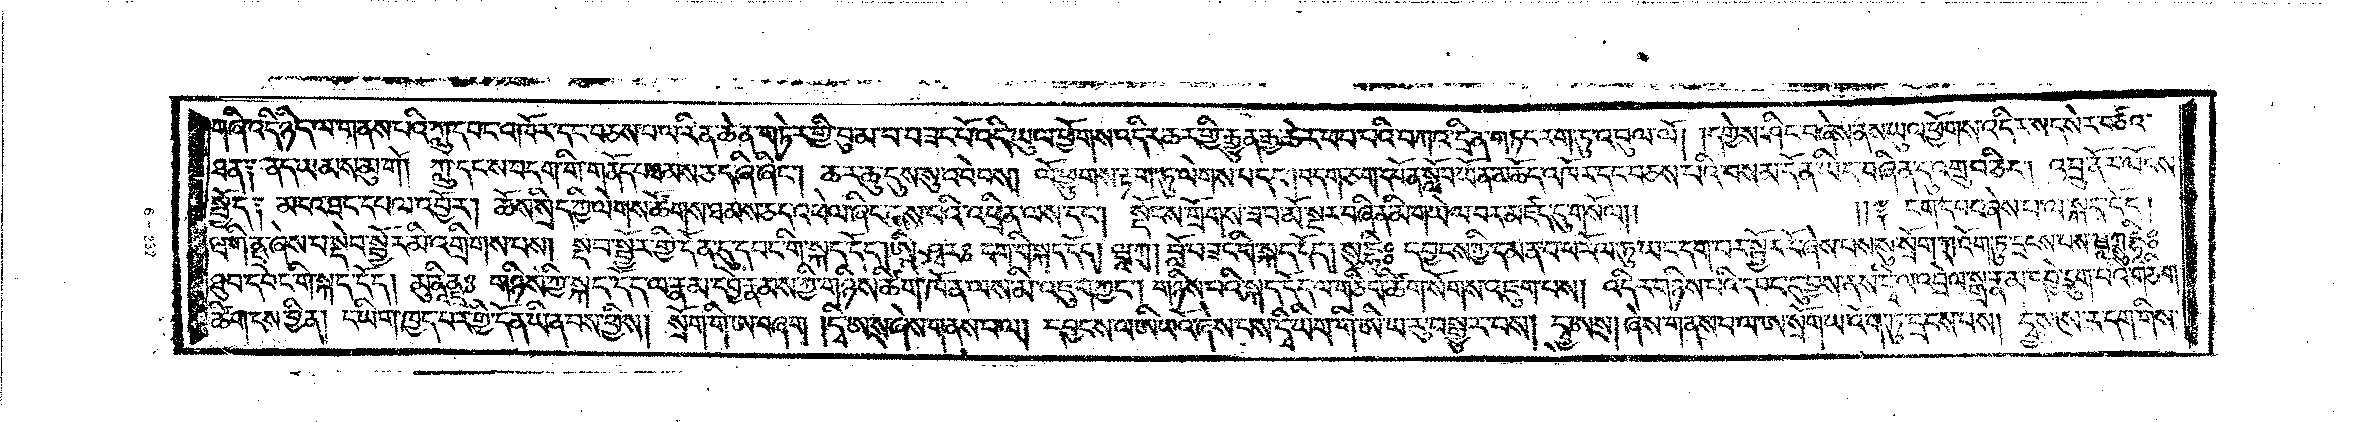གཞི་འདི་ཉིད་ལ་གནས་པའི་ཀླུ་དབང་འཁོར་དང་བཅས་པ་ལ་རིན་ཆེན་གཏེར་གྱི་བུམ་པ་བཟང་པོ་འདི་ཡུལ་ཕྱོགས་འདིར་ཆར་གྱི་རྒྱུན་རྒྱ་ཆེར་བབ་པའི་བཀའ་དྲིན་གཏང་རག་ཏུ་འབུལ་ལོ། །དགྱེས་ཤིང་བཞེས་ནས་ཡུལ་ཕྱོགས་འདིར་སད་སེར་བཙའ་
ཐན༑ ནད་ཡམས་མུ་གེ། ཀླུ་དང་ས་བདག་གི་གནོད་པ་ཐམས་ཅད་ཞི་ཞིང་། ཆར་ཆུ་དུས་སུ་འབེབས། ལོ་ཕྱུགས་རྟག་ཏུ་ལེགས་པར་དང་། བདག་ཅག་དཔོན་སློབ་ཡོན་མཆོད་འཁོར་དང་བཅས་པའི་བསམ་དོན་ཡིད་བཞིན་དུ་འགྲུབ་ཅིང་། འབྲུ་ནོར་ལོངས་
སྤྱོད༑ མངའ་ཐང་དཔལ་འབྱོར། ཆོས་སྲིད་ཀྱི་ལེགས་ཚོགས་ཐམས་ཅད་འཕེལ་ཞིང་ནས་པ་འཕྲིན་ལས་དང་། སྡོངས་གྲོགས་ཟབ་མོ་སྔར་བཞིན་མི་གཡེལ་བར་མཛད་དུ་གསོལ།། །།༈ ངག་དབང་ཞེས་པ་ལ་སྐད་དོད།
ཝ་གིནྤྲ་ཞེས་བ་སྡེབ་སྦྱོར་མི་འགྲིགས་བས། སྡེབ་སྦྱོར་གྱི་དོན་དུ་དབང་གི་སྐད་དོང་། ཨཱི་ཤྭརཿ ངག་གི་སྐད་དོད། ཝཱ་ཀྲ། བློ་བཟང་གི་སྐད་དོད། སུདྷཱིཿ དབྱངས་ཀྱི་དམན་བ་ཕ་རོལ་ཏུ་ཡང་དག་པར་སྦྱོར་རོ་ཞེས་པས་སུ་སྲོག་ཀ་འོག་ཏུ་དྲངས་པས་ཝཱཀླུདྷིཿ
ཐུབ་དབང་གི་སྐད་དོད། མུ་ནཱི་ནྡྲཿ གཉིས་ཀྱི་སྐད་དོད་ལ་རྣམ་དབྱེ་རྣམས་ཀྱི་གཉིས་ཚིག་ཁོ་ན་ལས་མི་འཇུག་ཀྱང་། གཉིས་བའི་སྐད་དོད་ལ་གཅིག་ཚིག་སོགས་འཇུག་པས། འདིར་གཉིས་པའི་དབང་དུ་བྱས་ནས་དྭི་ལ་འབྲེལ་སྒྲ་རྣམ་དབྱེ་དྲུག་པའི་གཅིག་
ཚིག་ངས་བྱིན། ད་ཡིག་ཁྱད་པར་གྱི་དོན་ཡིན་པས་ཕྱིས། སྲོག་གི་ཨ་བཞག །དྭི་ཨ་སྲ་ཞེས་གནས་པ་ལ། དབྱངས་ལ་ཨི་ཡའོ་ཞེས་པས་དྭི་ཡིག་གི་ཨི་ཡ་རུ་བསྒྱུར་པས། དྭཱྱས་སྲ། ཞེས་གནས་བ་ལ་ཨ་སྲོག་ཡ་འོག་ཏུ་དྲངས་པས། དྭྱས་ས་ར་དག་གིས་